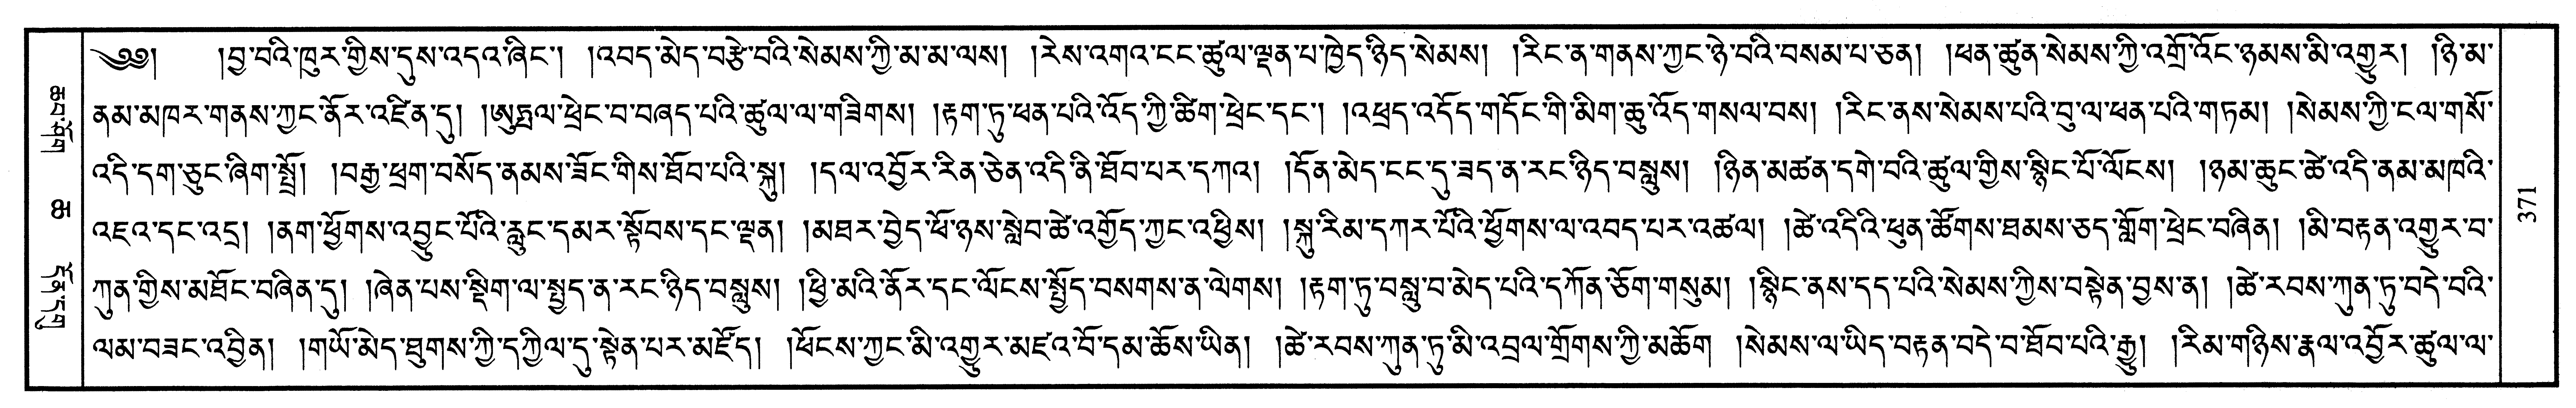༄༅། །བྱ་བའི་ཁུར་གྱིས་དུས་འདའ་ཞིང་། །འབད་མེད་བརྩེ་བའི་སེམས་ཀྱི་མ་མ་ལས། །རེས་འགའ་ངང་ཚུལ་ལྡན་པ་ཁྱེད་ཉིད་སེམས། །རིང་ན་གནས་ཀྱང་ཉེ་བའི་བསམ་པ་ཅན། །ཕན་ཚུན་སེམས་ཀྱི་འགྲོ་འོང་ཉམས་མི་འགྱུར། །ཉི་མ་
ནམ་མཁར་གནས་ཀྱང་ནོར་འཛིན་དུ། །ཨུཏྤལ་ཕྲེང་བ་བཞད་པའི་ཚུལ་ལ་གཟིགས། །རྟག་ཏུ་ཕན་པའི་འོད་ཀྱི་ཚིག་ཕྲེང་དང་། །འཕྲད་འདོད་གདོང་གི་མིག་ཆུ་འོད་གསལ་བས། །རིང་ནས་སེམས་པའི་བུ་ལ་ཕན་པའི་གཏམ། །སེམས་ཀྱི་ངལ་གསོ་
འདི་དག་ཅུང་ཞིག་སྤྲོ། །བརྒྱ་ཕྲག་བསོད་ནམས་ཟོང་གིས་ཐོབ་པའི་སྐུ། །དལ་འབྱོར་རིན་ཅེན་འདི་ནི་ཐོབ་པར་དཀའ། །དོན་མེད་ངང་དུ་ཟད་ན་རང་ཉིད་བསླུས། །ཉིན་མཚན་དགེ་བའི་ཚུལ་གྱིས་སྙིང་པོ་ལོངས། །ཉམ་ཆུང་ཚེ་འདི་ནམ་མཁའི་
འཇའ་དང་འདྲ། །ནག་ཕྱོགས་འབྱུང་པོའི་རླུང་དམར་སྟོབས་དང་ལྡན། །མཐར་བྱེད་ཕོ་ཉས་སླེབ་ཚེ་འགྱོད་ཀྱང་འཕྱིས། །སྐུ་རིམ་དཀར་པོའི་ཕྱོགས་ལ་འབད་པར་འཚལ། །ཚེ་འདིའི་ཕུན་ཚོགས་ཐམས་ཅད་གློག་ཕྲེང་བཞིན། །མི་བརྟན་འགྱུར་བ་
ཀུན་གྱིས་མཐོང་བཞིན་དུ། །ཞེན་པས་སྡིག་ལ་སྤྱད་ན་རང་ཉིད་བསླུས། །ཕྱི་མའི་ནོར་དང་ལོངས་སྤྱོད་བསགས་ན་ལེགས། །རྟག་ཏུ་བསླུ་བ་མེད་པའི་དཀོན་ཅོག་གསུམ། །སྙིང་ནས་དད་པའི་སེམས་ཀྱིས་བསྟེན་བྱས་ན། །ཚེ་རབས་ཀུན་ཏུ་བདེ་བའི་
ལམ་བཟང་འབྱིན། །གཡོ་མེད་ཐུགས་ཀྱི་དཀྱིལ་དུ་སྟེན་པར་མཛོད། །ཕོངས་ཀྱང་མི་འགྱུར་མཛའ་བོ་དམ་ཆོས་ཡིན། །ཚེ་རབས་ཀུན་ཏུ་མི་འབྲལ་གྲོགས་ཀྱི་མཆོག །སེམས་ལ་ཡིད་བརྟན་བདེ་བ་ཐོབ་པའི་རྒྱུ། །རིམ་གཉིས་རྣལ་འབྱོར་ཚུལ་ལ་